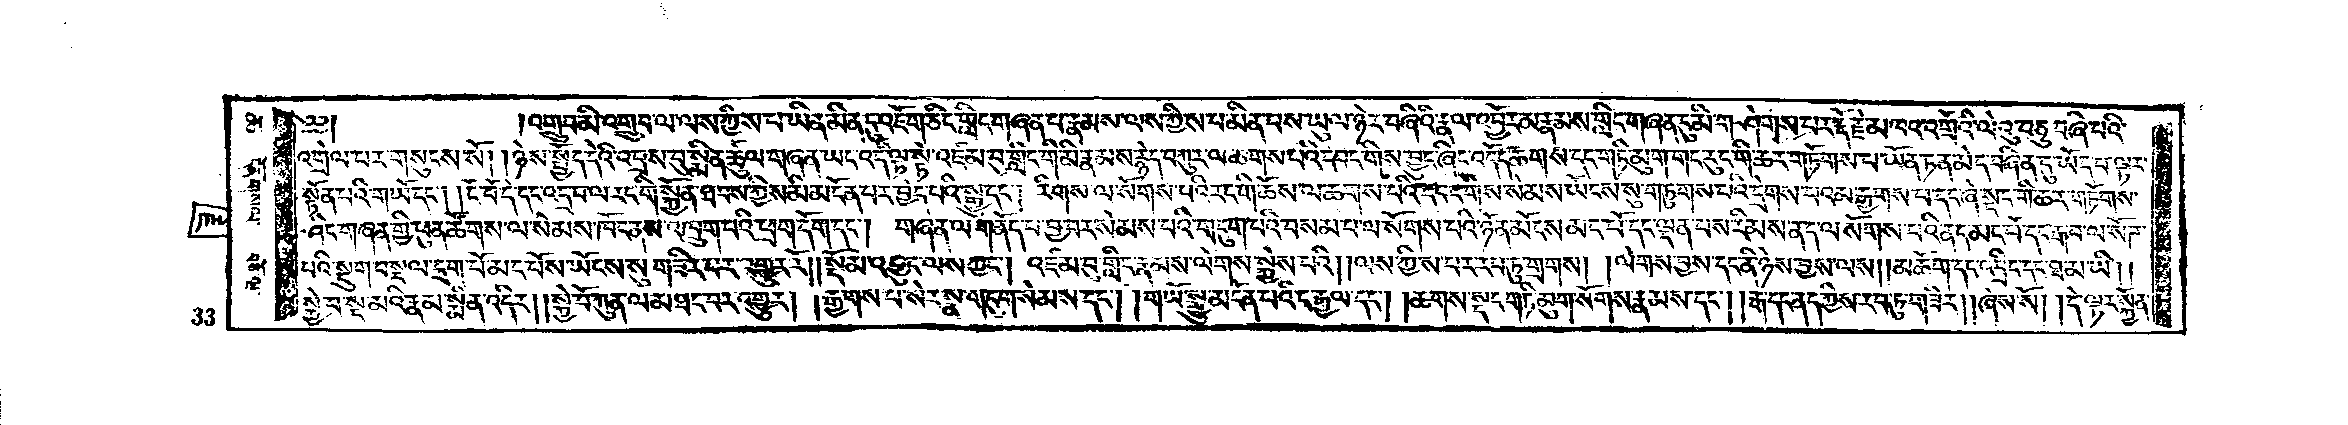༄༅། །འགྲུབ་མི་འགྲུབ་ལ་ལས་ཀྱི་ས་པ་ཡིན་མིན་དུ་འཇོག་ཅིང་གླིང་གཞན་པ་རྣམས་ལས་ཀྱི་ས་པ་མིན་པས་ཡུལ་ཉེར་བཞིའི་རྣལ་འབྱོར་མ་རྣམས་གླིང་གཞན་དུ་མི་གཤེགས་པར་རྡོ་རྗེ་མཁའ་འགྲོའི་ལེའུ་བཅུ་བཞི་པའི་
འགྲེལ་པར་གསུངས་སོ། །ཉེས་སྤྱོད་དེའི་འབྲས་བུ་སྨིན་ཚུལ་གཞན་ཡང་འདི་ལྟ་སྟེ་འཛམ་བུ་གླིང་གི་མི་རྣམས་རྙེད་བཀུར་ལ་ཆགས་པའི་དབང་གིས་བྱུང་ཞིང་འདོད་ཆགས་དང་གཏི་མུག་གང་རུང་གི་ཆར་གཏོགས་པ་ཡོན་ཏན་མེད་བཞིན་དུ་ཡོད་པ་ལྟར་
སྟོན་པའི་གཡོ་དང་། །ངོ་བོ་དེ་དང་འདྲི་བ་ལ་རང་གི་སྐྱོན་ཐབས་ཀྱིས་མི་མངོན་པར་བྱེད་པའི་སྒྱུ་དང་། རིགས་ལ་སོགས་པའི་རང་གི་ཆོས་ལ་ཆགས་པའི་དབང་གིས་སེམས་ཡོངས་སུ་གཏུགས་པའི་དྲེགས་པའམ་རྒྱགས་པ་དང་ཞེ་སྡང་གི་ཆར་གཏོགས་
ཤིང་གཞན་གྱི་ཕུན་ཚོགས་ལ་སེམས་ཁོང་ནས་འཁྲུག་པའི་ཕྲག་དོག་དང་། གཞན་ལ་གནོད་པ་བྱ་བར་སེམས་པའི་གདུག་པའི་བསམ་པ་ལ་སོགས་པའི་ཉོན་མོངས་མང་པོ་དང་ལྡན་པས་རིམས་ནད་ལ་སོགས་པའི་ནད་མང་པོ་དང་རྒ་བ་ལ་སོགས་
པའི་སྡུག་བསྔལ་དྲག་པོ་མང་པོས་ཡོངས་སུ་གཟིར་བར་འགྱུར་རོ། །སྡོམ་འབྱུང་ལས་ཀྱང་། འཛམ་བུ་གླིང་རྣམས་ལེགས་སྐྱེས་པའི། །ལས་ཀྱི་ས་པར་རབ་ཏུ་གྲགས། །ལེགས་བྱས་དང་ནི་ཉེས་བྱས་ལས། །མཆོག་དང་འབྲིང་དང་ཐ་མ་ཡི། །
སྐྱེ་བ་སྔ་མའི་རྣམ་སྨིན་འདིར། །སྐྱེ་བོ་ཀུན་ལ་མཐོང་བར་འགྱུར། །རྒྱགས་པ་སེར་སྣ་གདུག་སེམས་དང་། །གཡོ་སྒྱུ་མངོན་པའི་ང་རྒྱལ་དང་། །ཆགས་སྡང་གཏི་མུག་སོགས་རྣམས་དང་། །རྒ་དང་ནད་ཀྱིས་རབ་ཏུ་གཟིར། །ཞེས་སོ། །དེ་ལྟར་སྐྱོན་